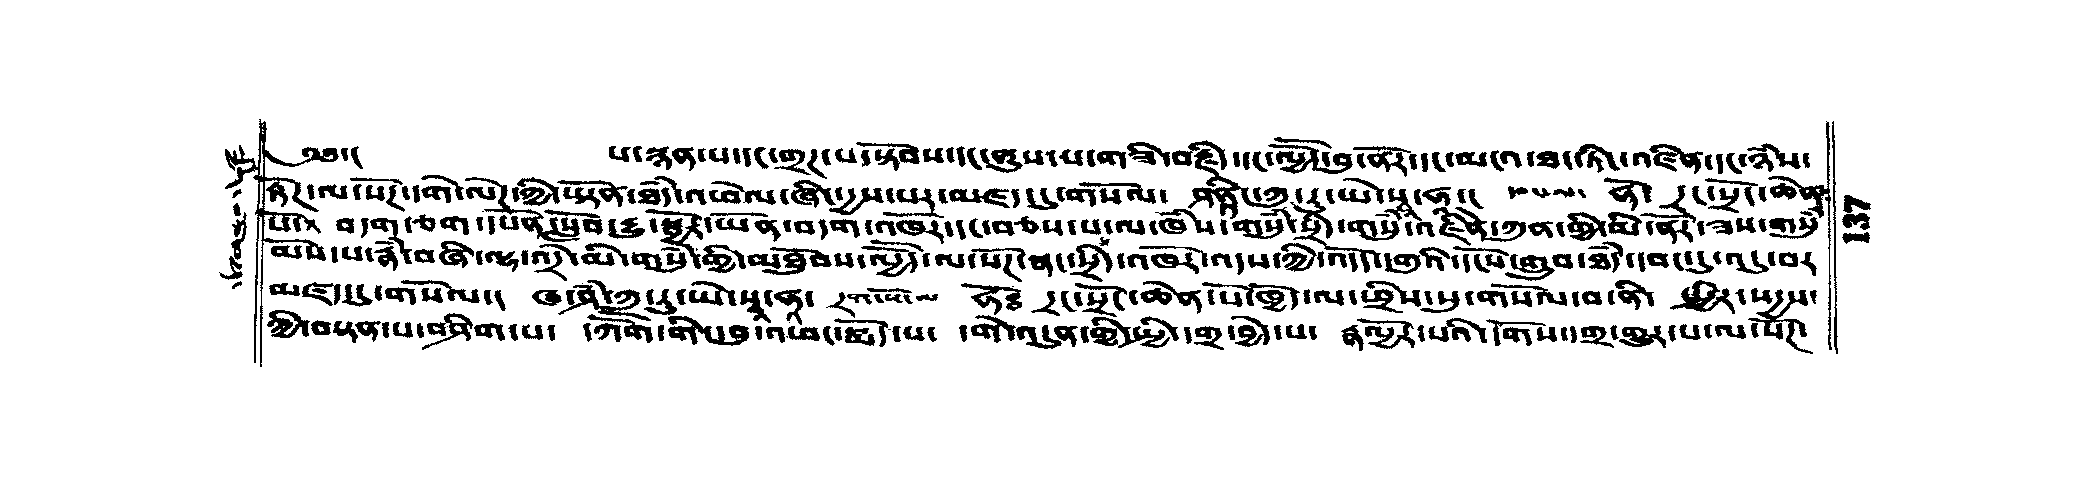པ་སྙན་པ་དང་གྲགས་པ་སྟོབས་དང་ནུས་པ་གཟི་བརྗིད་དང་ལོངས་སྤྱོད་བུ་ནོར་དང་མངའ་ཐང་ཏིང་འཛིན་དང་ཉམས་
རྟོགས་སོགས་དགེ་ལེགས་ཀྱི་ཡོན་ཏན་ཐམས་ཅད་འཕེལ་ཞིང་རྒྱས་པར་མཛད་དུ་གསོལ། ཤནྟིང་ཀུ་རུ་ཡེ་སྭཱ་ཧཱ། དབང་ལ། ཧོ། དྲང་སྲང་ཆེན་
པོ་༴བདག་ཅག་དཔོན་སློབ་རྒྱུ་སྦྱོར་ཡོན་བདག་འཁོར་དང་བཅས་པ་ལ་ཁམས་གསུམ་སྲིད་གསུམ་འཇིག་རྟེན་ཀུན་གྱི་མི་ནོར་ཟས་གསུམ་
མོས་པ་རྣམ་བཞི་ལྷ་འདྲེ་མི་གསུམ་གྱི་མཐུ་སྟོབས་ལོངས་སྤྱོད་ལ་སོགས་སྣང་སྲིད་འཁོར་འདས་ཀྱི་འདོད་དགུའི་དངོས་གྲུབ་ཐམས་ཅད་དབང་དུ་འདུ་བར་
མཛད་དུ་གསོལ། ཝ་ཤཾ་ཀུ་རུ་ཡེ་སྭཱ་ཧཱ། དྲག་པོ་ལ། ཧོཿ དྲང་སྲོང་ཆེན་པོ་ཁྱོད་ལ་ཕྲིན་ལས་སུ་གསོལ་བ་ནི། སྤྱིར་སངས་རྒྱས་
ཀྱི་བསྟན་པ་བཤིག་པ། དཀོན་མཆོག་གི་དབུ་འཕང་སྨོད་པ། དགེ་འདུ་གྱི་སྤྱི་དགྲ་བྱེད་པ། རྣལ་འབྱོར་པའི་དགོས་དགྲ་གྱུར་པ་ལ་སོགས་